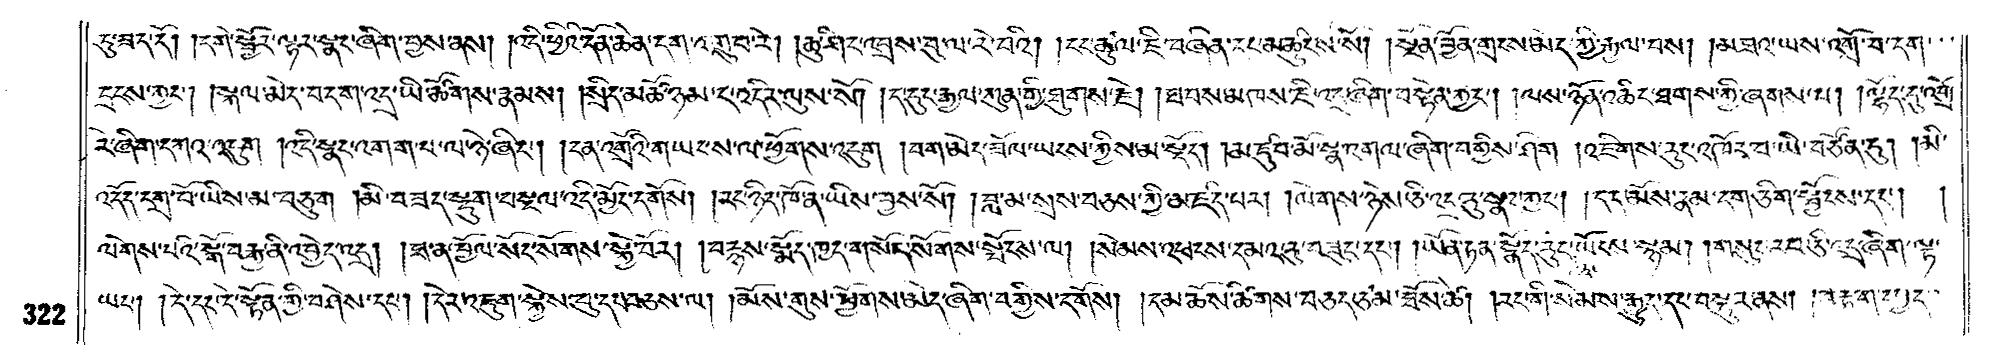དུ་ཟད་དོ། །དགེ་སྦྱོར་ལྟར་སྣང་ཞིག་བྱས་ནས། །འདི་ཕྱིའི་དོན་ཆེན་དག་འགྲུབ་རེ། །ཆུ་ཤིང་འབྲས་བུ་ལ་རེ་བའི། །ངང་ཚུལ་ཇི་བཞིན་དང་མཚུངས་སོ། །སྔོན་བྱོན་གྲངས་མེད་ཀྱི་རྒྱལ་བས། །མཐའ་ཡས་འགྲོ་བ་དག་
དྲངས་ཀྱང་། །སྐལ་མེད་བདག་འདྲ་ཡི་ཚོགས་རྣམས། །སྲིད་མཚོ་ཉམ་ད་འདིར་ལུས་སོ། །ད་དུང་རྒྱལ་ཀུན་གྱི་ཐུགས་རྗེ། །ཐབས་མཁས་ཇི་འདྲ་ཞིག་བསྟེན་ཀྱང་། །ལས་ཉོན་འཆིང་ཐགས་ཀྱི་ཞགས་པ། །ལྷོད་དུ་འགྲོ་
རེ་ཞིག་དཀའ་འདུག །འདི་སྣང་འགག་པ་ལ་ཉེ་ཞིང་། །ངན་འགྲོའི་གཡང་ས་ལ་ཕྱོགས་འདུག །བག་མེད་ཟོལ་ཡངས་ཀྱིས་མ་སྡོད། །མཛུབ་མོ་སྣ་འགལ་ཞིག་བགྱིས་ཤིག །འཇིགས་རུང་འཁོར་བ་ཡི་བཙོན་དུ། །མི་
འདོད་དགྲ་བོ་ཡིས་མ་བཅུག །མི་བཟད་སྡུག་བསྔལ་འདི་མྱོང་དགོས། །རང་ཉིད་ཁོ་ན་ཡིས་བྱས་སོ། །བླ་མ་སྲས་བཅས་ཀྱི་མཛད་པར། །ལེགས་ཉེས་ཅི་འདྲ་རུ་སྣང་ཀྱང་། །དད་མོས་རྣམ་དག་ཅིག་སྦྱོངས་དང་། །
ལེགས་པའི་སྒོ་བརྒྱ་ནི་འབྱེད་འདྲ། །ཐ་ན་བྱོལ་སོང་སོགས་སྐྱེ་བོར། །བརྙས་སྨོད་ཁྱད་གསོད་སོགས་སྤོངས་ལ། །སེམས་འཕངས་དམའ་ཅུ་བཟུང་དང་། །ཡོན་ཏན་སྣོད་རུང་རུ?་ཡོངས་སྙམ། །གསུང་རབ་ཅི་འདྲ་ཞིག་ལྟ་
ཡང་། །དེ་དང་དེ་སྟོན་གྱི་བཤེས་དང་། །དེར་འཇུག་སྐྱེས་བུ་དང་བཅས་ལ། །མོས་གུས་ཕྱོགས་མེད་ཞིག་བགྱིས་དགོས། །དམ་ཆོས་ཚིགས་བཅད་ཙམ་ཐོས་ཚེ། །རང་གི་སེམས་རྒྱུད་དང་བསྡུར་ནས། །བརྟག་དཔྱད་